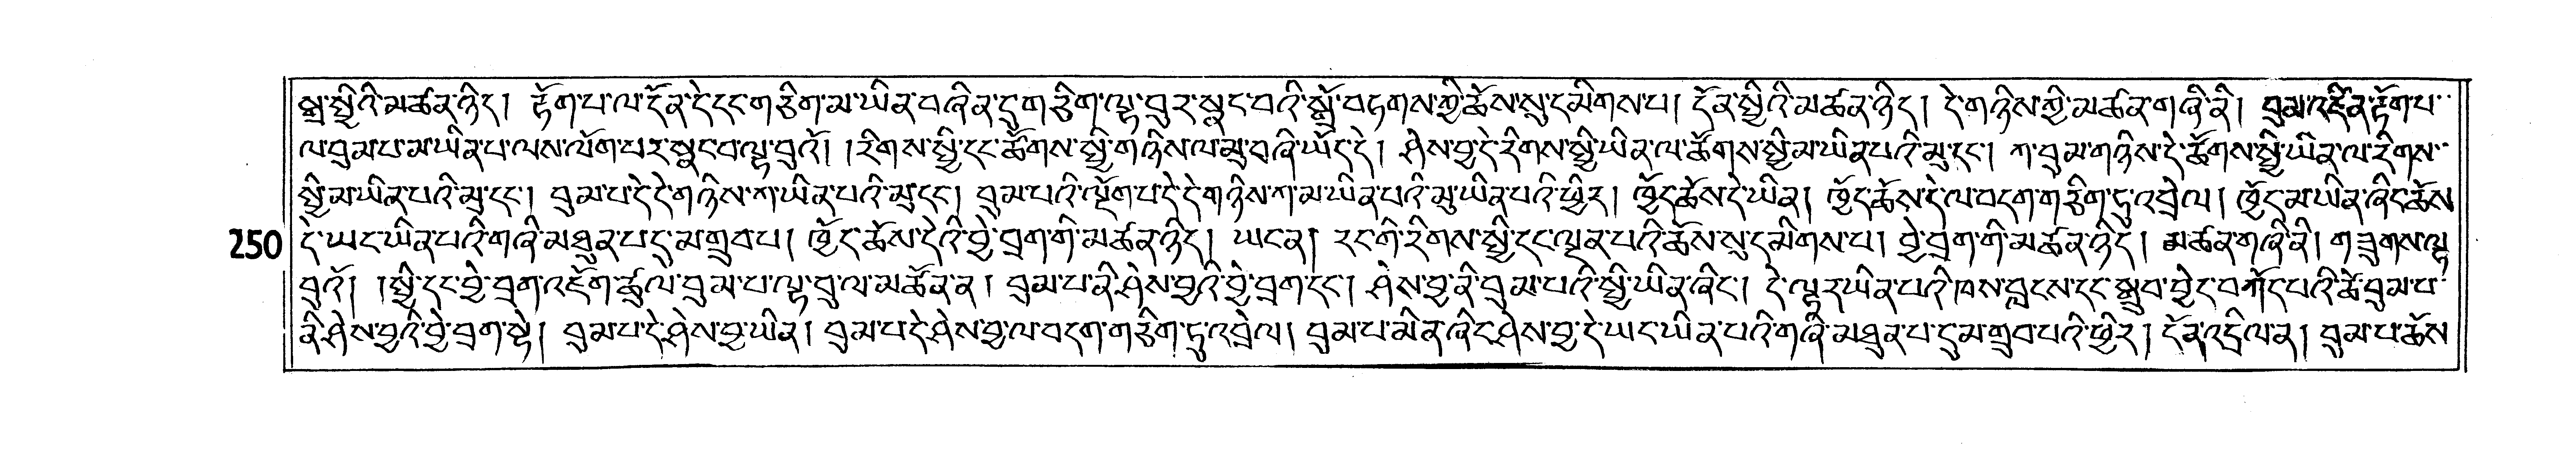སྒྲ་སྤྱིའི་མཚན་ཉིད། རྟོག་པ་ལ་དོན་དེ་དང་གཅིག་མ་ཡིན་བཞིན་དུ་གཅིག་ལྟ་བུར་སྣང་བའི་སྒྲོ་བཏགས་ཀྱི་ཆོས་སུ་དམིགས་པ། དོན་སྤྱིའི་མཚན་ཉིད། དེ་གཉིས་ཀྱི་མཚན་གཞི་ནི། བུམ་འཛིན་རྟོག་པ་
ལ་བུམ་པ་མ་ཡིན་པ་ལས་ལོག་པར་སྣང་བ་ལྟ་བུའོ། །རིགས་སྤྱི་དང་ཚོགས་སྤྱི་གཉིས་ལ་མུ་བཞི་ཡོད་དེ། ཤེས་བྱ་དེ་རིགས་སྤྱི་ཡིན་ལ་ཚོགས་སྤྱི་མ་ཡིན་པའི་མུ་དང་། ཀ་བུམ་གཉིས་དེ་ཚོགས་སྤྱི་ཡིན་ལ་རིགས་
སྤྱི་མ་ཡིན་པའི་མུ་དང་། བུམ་པ་དེ་དེ་གཉིས་ཀ་ཡིན་པའི་མུ་དང་། བུམ་པའི་ལྡོག་པ་དེ་དེ་གཉིས་ཀ་མ་ཡིན་པའི་མུ་ཡིན་པའི་ཕྱིར། ཁྱོད་ཆོས་དེ་ཡིན། ཁྱོད་ཆོས་དེ་ལ་བདག་གཅིག་ཏུ་འབྲེལ། ཁྱོད་མ་ཡིན་ཞིང་ཆོས་
དེ་ཡང་ཡིན་པའི་གཞི་མཐུན་པ་དུ་མ་གྲུབ་པ། ཁྱོད་ཆོས་དེའི་བྱེ་བྲག་གི་མཚན་ཉིད། ཡང་ན། རང་གི་རིགས་སྤྱི་དང་ལྡན་པའི་ཆོས་སུ་དམིགས་པ། བྱེ་བྲག་གི་མཚན་ཉིད། མཚན་གཞི་ནི། གཟུགས་ལྟ་
བུའོ། །སྤྱི་དང་བྱེ་བྲག་འཇོག་ཚུལ་བུམ་པ་ལྟ་བུ་ལ་མཚོན་ན། བུམ་པ་ནི་ཤེས་བྱའི་བྱེ་བྲག་དང་། ཤེས་བྱ་ནི་བུམ་པའི་སྤྱི་ཡིན་ཞིང་། དེ་ལྟར་ཡིན་པའི་ཁས་བླངས་དང་སྒྲུབ་བྱེད་བཀོད་པའི་ཚེ་བུམ་པ་
ནི་ཤེས་བྱའི་བྱེ་བྲག་སྟེ། བུམ་པ་དེ་ཤེས་བྱ་ཡིན། བུམ་པ་དེ་ཤེས་བྱ་ལ་བདག་གཅིག་ཏུ་འབྲེལ། བུམ་པ་མིན་ཞིང་ཤེས་བྱ་དེ་ཡང་ཡིན་པའི་གཞི་མཐུན་པ་དུ་མ་གྲུབ་པའི་ཕྱིར། དོན་འདྲིལ་ན། བུམ་པ་ཆོས་